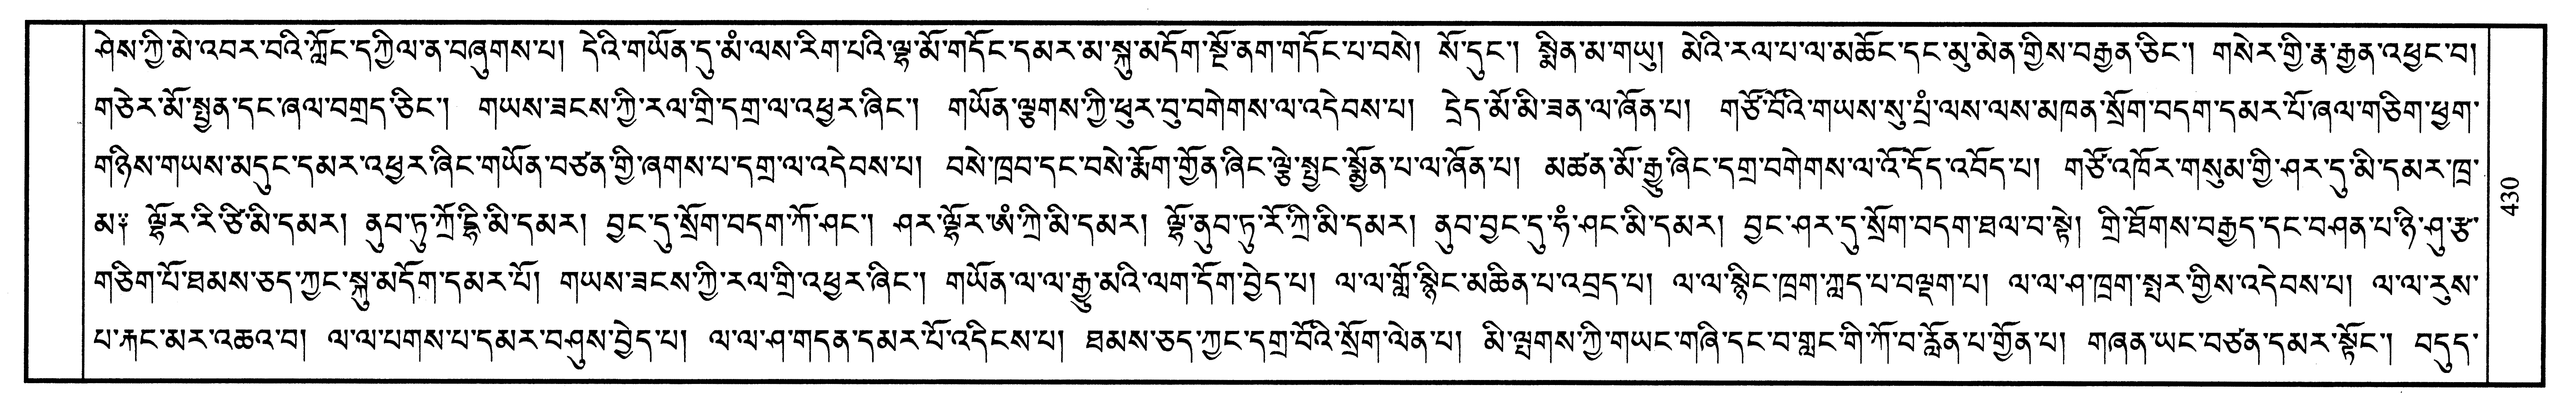ཤེས་ཀྱི་མེ་འབར་བའི་ཀློང་དཀྱིལ་ན་བཞུགས་པ། དེའི་གཡོན་དུ་མཾ་ལས་རིག་པའི་ལྷ་མོ་གདོང་དམར་མ་སྐུ་མདོག་སྔོ་ནག་གདོང་པ་བསེ། སོ་དུང་། སྨིན་མ་གཡུ། མེའི་རལ་པ་ལ་མཆོང་དང་མུ་མེན་གྱིས་བརྒྱན་ཅིང་། གསེར་གྱི་རྣ་རྒྱན་འཕྱང་བ།
གཅེར་མོ་སྤྱན་དང་ཞལ་བགྲད་ཅིང་། གཡས་ཟངས་ཀྱི་རལ་གྲི་དགྲ་ལ་འཕྱར་ཞིང་། གཡོན་ལྕགས་ཀྱི་ཕུར་བུ་བགེགས་ལ་འདེབས་པ། དྲེད་མོ་མི་ཟན་ལ་ཞོན་པ། གཙོ་བོའི་གཡས་སུ་པྲཾ་ལས་ལས་མཁན་སྲོག་བདག་དམར་པོ་ཞལ་གཅིག་ཕྱག་
གཉིས་གཡས་མདུང་དམར་འཕྱར་ཞིང་གཡོན་བཙན་གྱི་ཞགས་པ་དགྲ་ལ་འདེབས་པ། བསེ་ཁྲབ་དང་བསེ་རྨོག་གྱོན་ཞིང་ལྕེ་སྤྱང་སྨྱོན་པ་ལ་ཞོན་པ། མཚན་མོ་རྒྱུ་ཞིང་དགྲ་བགེགས་ལ་འོ་དོད་འབོད་པ། གཙོ་འཁོར་གསུམ་གྱི་ཤར་དུ་མི་དམར་ཁྲ་
མ། ལྷོར་རི་ཙི་མི་དམར། ནུབ་ཏུ་ཀྲོ་དྷི་མི་དམར། བྱང་དུ་སྲོག་བདག་ཀོ་ཤང་། ཤར་ལྷོར་ཨཾ་ཀྲི་མི་དམར། ལྷོ་ནུབ་ཏུ་རོ་ཀྲི་མི་དམར། ནུབ་བྱང་ཏུ་ཧཾ་ཤང་མི་དམར། བྱང་ཤར་དུ་སྲོག་བདག་ཐལ་བ་སྟེ། གྲི་ཐོགས་བརྒྱད་དང་བཤན་པ་ཉི་ཤུ་རྩ་
གཅིག་པོ་ཐམས་ཅད་ཀྱང་སྐུ་མདོག་དམར་པོ། གཡས་ཟངས་ཀྱི་རལ་གྲི་འཕྱར་ཞིང་། གཡོན་ལ་ལ་རྒྱུ་མའི་ལག་དོག་བྱེད་པ། ལ་ལ་གློ་སྙིང་མཆིན་པ་འབྲད་པ། ལ་ལ་སྙིང་ཁྲག་ཀླད་པ་བལྡག་པ། ལ་ལ་ཤ་ཁྲག་སྤར་གྱིས་འདེབས་པ། ལ་ལ་རུས་
པ་རྐང་མར་འཆའ་བ། ལ་ལ་པགས་པ་དམར་བཤུས་བྱེད་པ། ལ་ལ་ཤ་གདན་དམར་པོ་འདིངས་པ། ཐམས་ཅད་ཀྱང་དགྲ་བོའི་སྲོག་ལེན་པ། མི་ལྤགས་ཀྱི་གཡང་གཞི་དང་བ་གླང་གི་ཀོ་བ་རློན་པ་གྱོན་པ། གཞན་ཡང་བཙན་དམར་སྟོང་། བདུད་